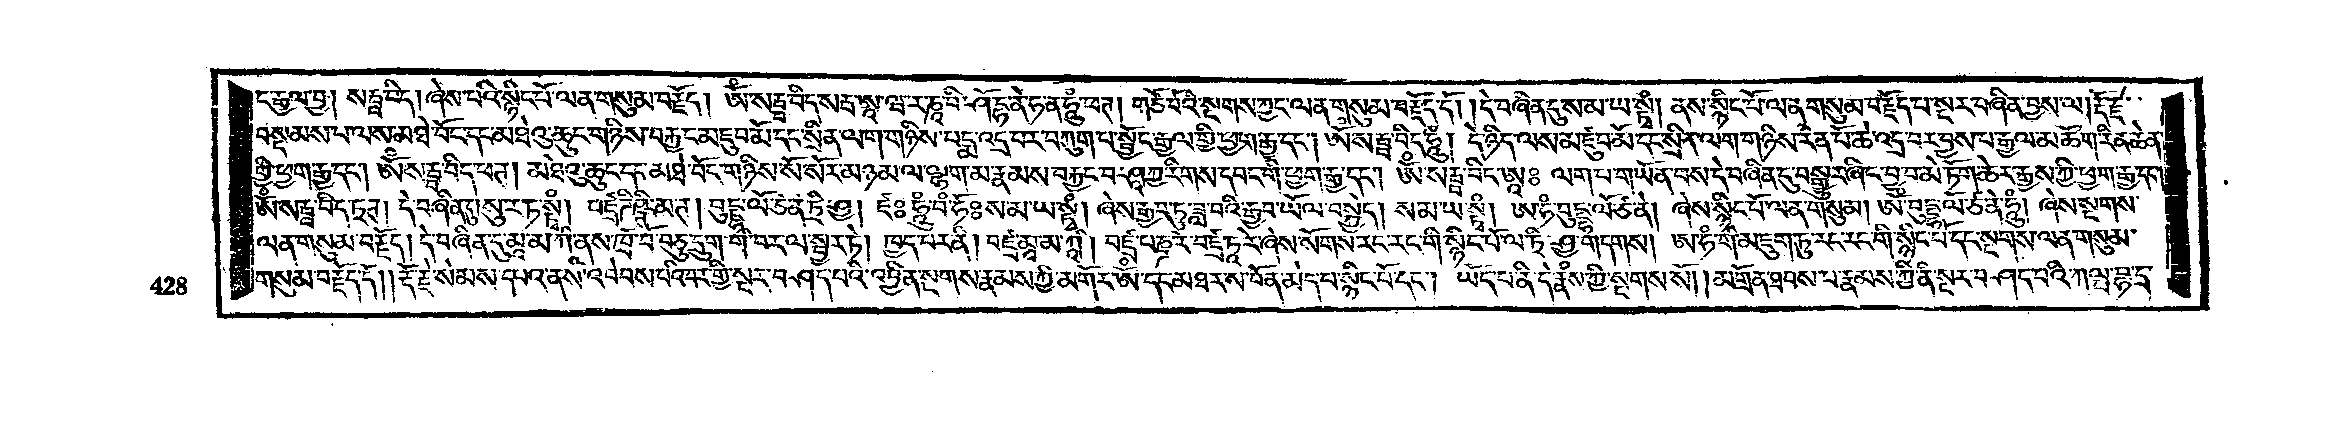ང་རྒྱལ་བྱ། སརྦྦ་བིད། ཞེས་པའི་སྙིང་པོ་ལན་གསུམ་བརྗོད། ཨོཾ་སརྦྦ་བིད་སརྦ་ཨཱ་ཝ་ར་ཎཱ་བི་ཤོ་དྷ་ནེ་ཧ་ན་ཧཱུཾ་ཕཊ། གཙོ་བོའི་སྔགས་ཀྱང་ལན་གསུམ་བརྗོད་དོ། །དེ་བཞིན་དུ་ས་མ་ཡ་སྟྭཾ། ནས་སྙིང་པོ་ལན་གསུམ་བརྗོད་པ་སྔར་བཞིན་བྱས་ལ། རྡོ་རྗེ་
བསྡམས་པ་ལས་མཐེ་བོང་དང་མཐེའུ་ཆུང་གཉིས་བརྐྱང་མཛུབ་མོ་དང་སྲིན་ལག་གཉིས་པདམ་འདྲ་བར་བཀུག་པ་སྦྱོང་རྒྱལ་གྱི་ཕྱག་རྒྱ་དང་། ཨོཾ་སརྦྦ་བིད་ཧཱུཾ། དེ་ཉིད་ལས་མཛུབ་མོ་དང་སྲིན་ལག་གཉིས་རིན་པོ་ཆེ་འདྲ་བར་བྱས་པ་རྒྱལ་མཆོག་རིན་ཆེན་
གྱི་ཕྱག་རྒྱ་དང་། ཨོཾ་སརྦྦ་བིད་ཕཊ། མཐེའུ་ཆུང་དང་མཐེ་བོང་གཉིས་སོ་སོར་མཉམ་ལ་ལྷག་མ་རྣམས་བརྐྱང་པ་ཤཱཀྱ་རིགས་དབང་གི་ཕྱག་རྒྱ་དང་། ཨོཾ་སརྦྦ་བིད་ཨཱཿ ལག་པ་གཡོན་པས་དེ་བཞིན་དུ་བསྒྱུར་ཞིང་བྱ་བ་མེ་ཏོག་ཆེར་རྒྱས་ཀྱི་ཕྱག་རྒྱ་དང་།
ཨོཾ་སརྦྦ་བིད་ཏྲཊ། དེ་བཞིན་དུ། སུ་ར་ཏ་སྟྭཾ། བཛྲ་ཌིཥྚི་མ་ཊ། བུདྡྷ་ལོ་ཙ་ནི་ཏྲི་ཤྱ། ཛཿ ཧཱུཾ་བཾ་ཧོཿ ས་མ་ཡ་སྟྭཾ། ཞེས་རྒྱབ་ཏུ་ཟླ་བའི་རྒྱབ་ཡོལ་བསྐྱེད། ས་མ་ཡ་སྟྭཾ། ཨ་ཧཾ་བུདྡྷ་ལོ་ཙ་ནེ། ཞེས་སྙིང་པོ་ལན་གསུམ། ཨོཾ་བུདྡྷ་ལོ་ཙ་ནེ་ཧཱུཾ། ཞེས་སྔགས་
ལན་གསུམ་བརྗོད། དེ་བཞིན་དུ་མཱ་མ་ཀཱི་ནས་ཁྲོ་བོ་བཅུ་དྲུག་གི་བར་ལ་སྦྱར་ཏེ། ཁྱད་པར་ནི། བཛྲ་མཱ་མ་ཀཱི། བཛྲ་པཎྜ་རེ་བཛྲ་ཏཱ་རོ་ཞེས་སོགས་རང་རང་གི་སྙིང་པོ་ལ་ཏྲི་ཤྱ་གདགས། ཨ་ཧཾ་གི་མཇུག་ཏུ་རང་རང་གི་སྙིང་པོ་དང་སྔགས་ལན་གསུམ་
གསུམ་བརྗོད་དོ། །རྡོ་རྗེ་སེམས་དཔའ་ནས་འབེབས་པའི་བར་གྱི་སྔར་བཤད་པའི་འབྱིན་སྔགས་རྣམས་ཀྱི་མགོར་ཨོཾ་དང་མཐར་ས་བོན་མེད་པ་སྙིང་པོ་དང་། ཡོད་པ་ནི་དེ་རྣམས་ཀྱི་སྔགས་སོ། །མགྲོན་ཐབས་པ་རྣམས་ཀྱི་ནི་སྔར་བཤད་པའི་ཀལྤ་བྷ་དྲ་